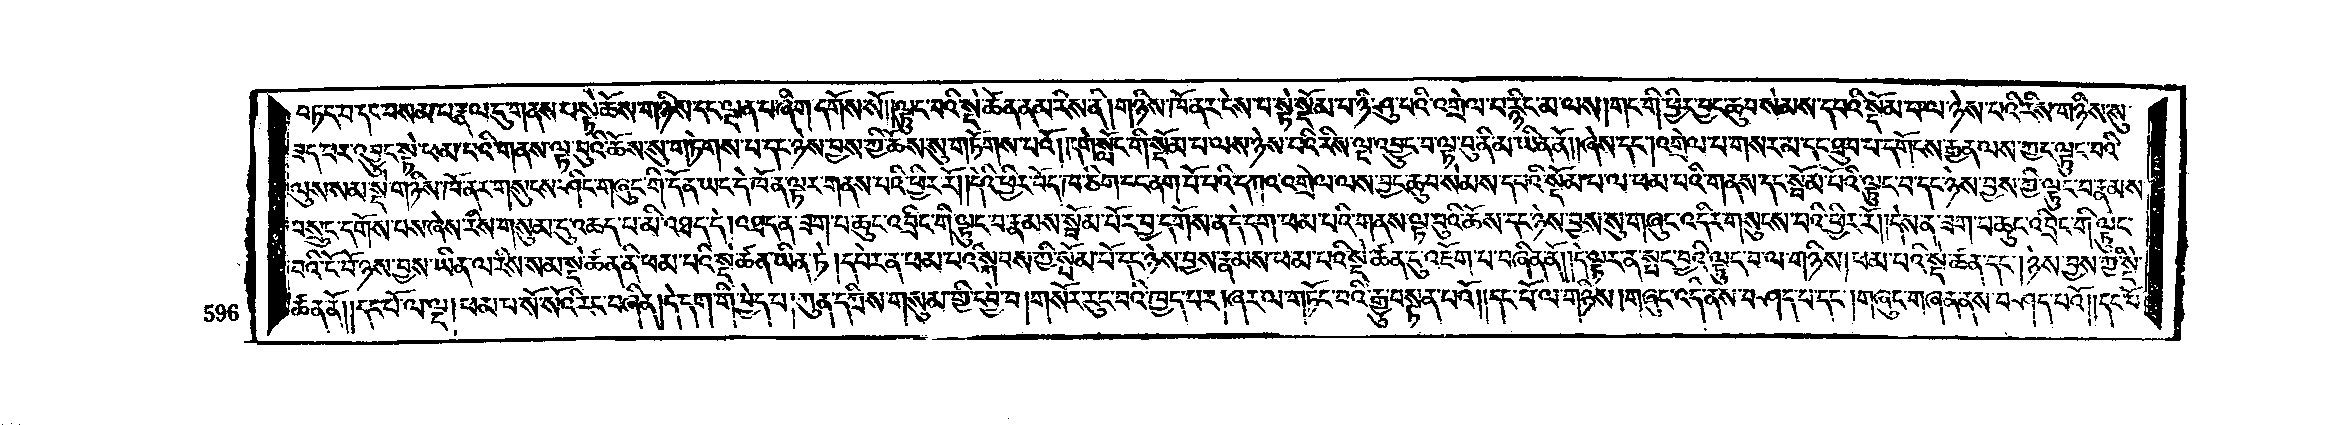བཏང་བ་དང་བསམ་པ་རྣལ་དུ་གནས་པ་སྟེ་ཆོས་གཉིས་དང་ལྡན་པ་ཞིག་དགོས་སོ། །ལྟུང་བའི་སྡེ་ཆེན་ནམ་རིས་ནི། གཉིས་ཁོ་ནར་ངེས་པ་སྟེ་སྡོམ་པ་ཉི་ཤུ་པའི་འགྲེལ་པ་རྙིང་མ་ལས། གང་གི་ཕྱིར་བྱང་ཆུབ་སེམས་དཔའི་སྡོམ་པ་ལ་ཉེས་པའི་རིས་གཉིས་སུ་
ཟད་པར་འབྱུང་སྟེ་ཕམ་པའི་གནས་ལྟ་བུའི་ཆོས་སུ་གཏེགས་པ་དང་ཉེས་བྱས་ཀྱི་ཆོས་སུ་གཏོགས་པའོ། །དགེ་སློང་གི་སྡོམ་པ་ལས་ཉེས་པའི་རིས་ལྔ་འབྱུང་བ་ལྟ་བུ་ནི་མ་ཡིན་ནོ། །ཞེས་དང་། འགྲེལ་པ་གསར་མ་དང་ཐུབ་པ་དགོངས་རྒྱན་ལས་ཀྱང་ལྟུང་བའི་
ལུས་ནམ་སྡེ་གཉིས་ཁོ་ནར་གསུངས་ཤིང་གཞུང་གི་དོན་ཡང་དེ་ཁོ་ན་ལྟར་གནས་པའི་ཕྱིར་རོ། །དེའི་ཕྱིར་བོད་ཁ་ཅིག་དང་ནག་པོ་པའི་དཀའ་འགྲེལ་ལས་བྱང་ཆུབ་སེམས་དཔའི་སྡོམ་པ་ལ་ཕམ་པའི་གནས་དང་སྦོམ་པོའི་ལྟུང་བ་དང་ཉེས་བྱས་ཀྱི་ལྟུང་བ་རྣམས་
བསྲུང་དགོས་པས་ཞེས་རིས་གསུམ་དུ་འཆད་པ་མི་འཐད་དེ། འཐད་ན་ཟག་པ་ཆུང་འབྲིང་གི་ལྟུང་བ་རྣམས་སྦོམ་པོར་བྱ་དགོས་ན་དེ་དག་ཕམ་པའི་གནས་ལྟ་བུའི་ཆོས་དང་ཉེས་བྱས་སུ་གཞུང་འདིར་གསུངས་པའི་ཕྱིར་རོ། །དེས་ན་ཟག་པ་ཆུང་འབྲིང་གི་ལྟུང་
བའི་ངོ་བོ་ཉས་བྱས་ཡིན་ལ་རིས་སམ་སྡེ་ཚན་ནི་ཕམ་པའི་སྡེ་ཚན་ཡིན་ཏེ། དཔེར་ན་ཕམ་པའི་སྐབས་ཀྱི་སྤོམ་པོ་དང་ཉེས་བྱས་རྣམས་ཕམ་པའི་སྡེ་ཚན་དུ་འཇོག་པ་བཞིན་ནོ། །དེ་ལྟར་ན་སྤང་བྱའི་ལྟུང་བ་ལ་གཉིས། ཕམ་པའི་སྡེ་ཚན་དང་། ཉེས་བྱས་ཀྱི་སྡེ་
ཚན་ནོ། །དང་པོ་ལ་ལྔ། ཕམ་པ་སོ་སོའི་རང་བཞིན། དེ་དག་གི་བྱེད་པ། ཀུན་དཀྲིས་གསུམ་གྱི་དབྱེ་བ། གསོར་རུང་བའི་ཁྱད་པར། ཞར་ལ་གཏོང་བའི་རྒྱུ་བསྟན་པའོ། །དང་པོ་ལ་གཉིས། གཞུང་འདི་ནས་བཤད་པ་དང་། གཞུང་གཞན་ནས་བཤད་པའོ། །དང་པོ་